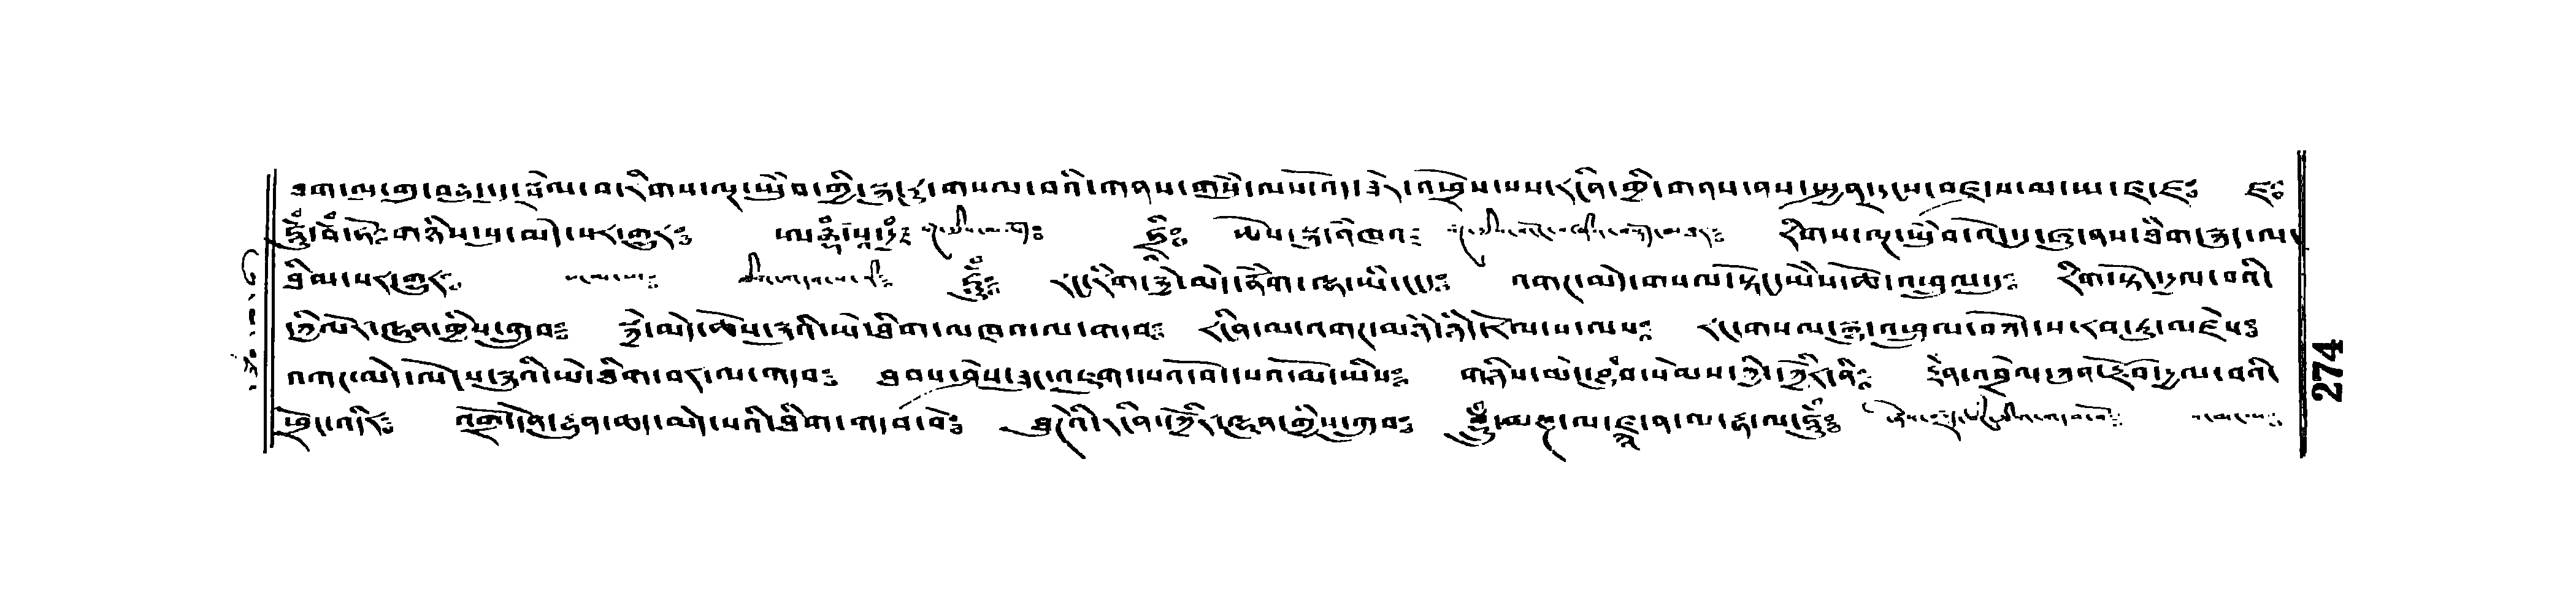ཐག་ལུ་གུ་བརྒྱུད་དུ་སྦྲེལ་བ་རིགས་ལྔ་ཡབ་ཡུམ་གྱི་སྐུ་རུ་གསལ་བའི་གནས་གསུམ་ལས་འོད་ཟེར་འཕྲོས་པས་རང་བཞིན་གྱི་གནས་ནས་སྤྱན་དྲངས་བཛྲ་ས་མ་ཡ་ཛ་ཛཿ ཛཿ
ཧཱུྃ་བྃ་ཧོཿགཉིས་སུ་མེད་པར་གྱུར༔ ཨརྒྷཾ་པཱ་དྱཾ༴ སོགས་ཀྱིས་མཆོདཿ ཧྲཱིཿ ཆོས་སྐུ་ནམ་མཁའ༴ སོགས་ཀྱིས་གོང་བཞིན་བསྟོད་མཐར༔ རིགས་ལྔ་ཡབ་ཡུམ་འོད་དུ་ཞུ་ནས་ཐིག་སྐུད་ལ་
ཐིམ་པར་གྱུར༔ ས་མ་ཡ༔ ཐིག་གདབ་པ་ནི༔ ཧཱུྃ༔ རང་རིག་སྐྱེ་མེད་རྣམ་དག་ལྷ་ཡི་ངང༔ འགག་མེད་གསལ་སྟོང་ཡེ་ཤེས་ཆོ་འཕྲུལ་དུ༔ རིག་སྟོང་རྒྱལ་བའི་
དཀྱིལ་འཁོར་ལྷུན་གྱིས་གྲུབ༔ སྐྱེ་མེད་ཆོས་སྐུའི་ཡེ་ཐིག་མཁའ་ལ་གདབ༔ རང་བཞིན་མ་འགགས་མཉམ་ཉིད་རོལ་པ་ལས༔ རང་གསལ་སྒྱུ་འཕྲུལ་བཀོད་པ་རབ་ཏུ་མཛེས༔ 
འགག་མེད་ལོངས་སྐུའི་ཡེ་ཐིག་བར་ལ་གདབ༔ ཐབས་ཤེས་ཟུང་འཇུག་དཔའ་བོ་དཔའ་མོ་ཡིས༔ གཉིས་མེད་བྱང་ཆུབ་སེམས་ཀྱི་དཀྱིལ་འཁོར་ནི༔ རྟེན་འབྲེལ་ཀུན་རྫོབ་རྒྱལ་བའི་
ཕོ་བྲང་འདིར༔ འགྲོ་དོན་རྒྱུན་ཆད་མེད་པའི་ཐིག་གདབ་བོ༔ ཐུགས་རྗེའི་རང་བཞིན་དཀྱིལ་འཁོར་ལྷུན་གྱིས་གྲུབ༔ བྷྲཱུྃ་མཎྜལ་ལ་ཛྙཱ་ན་མ་དྷ་ལ་ཧཱུྃ༔ ཞེས་བརྗོད་ཅིང་ཐིག་གདབ་བོ༔ ས་མ་ཡ༔